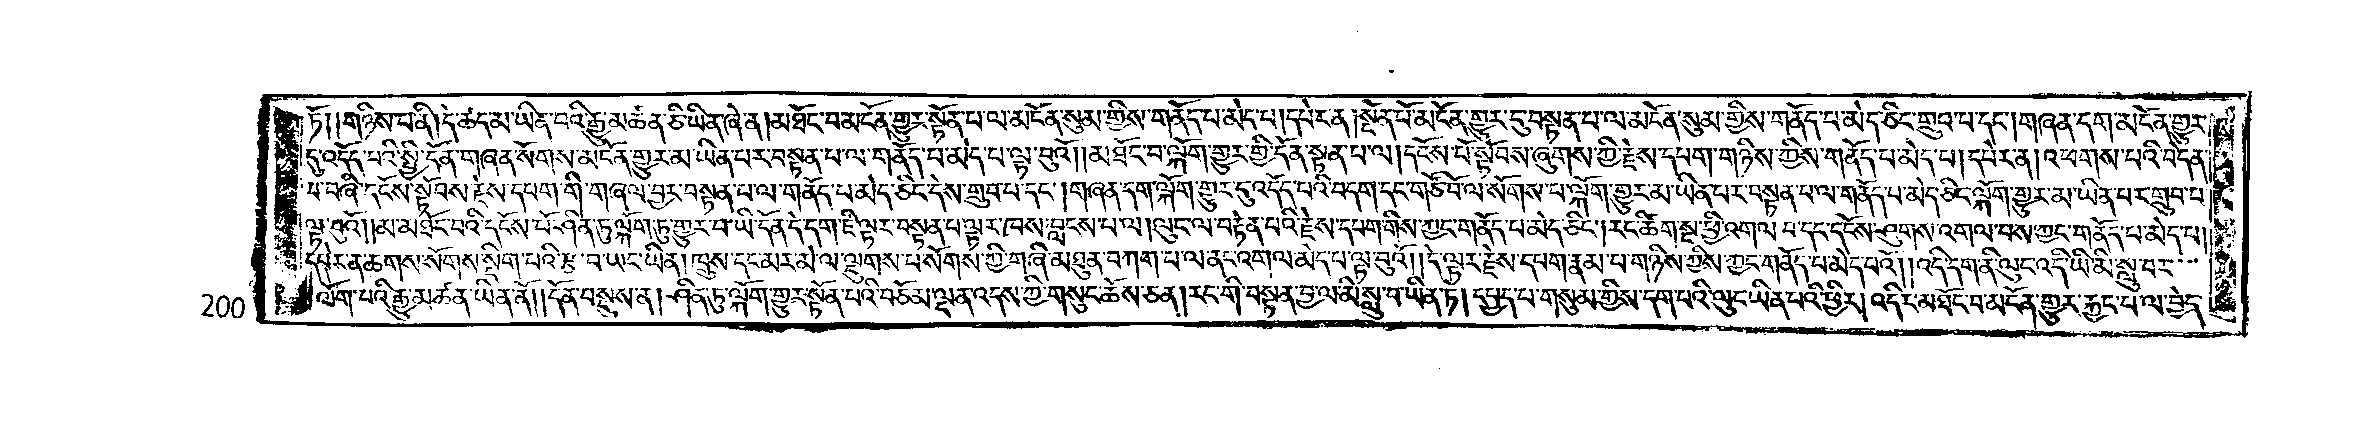ཏོ། །གཉིས་པ་ནི། དེ་ཚད་མ་ཡིན་པའི་རྒྱུ་མཚན་ཅི་ཡིན་ཞེ་ན། མཐོང་བ་མངོན་གྱུར་སྟོན་པ་ལ་མངོན་སུམ་གྱིས་གནོད་པ་མེད་པ། དཔེར་ན། སྔོན་པོ་མངོན་གྱུར་དུ་བསྟན་པ་ལ་མངོན་སུམ་གྱིས་གནོད་པ་མེད་ཅིང་གྲུབ་པ་དང་། གཞན་དག་མངོན་གྱུར་
དུ་འདོད་པའི་སྤྱི་དོན་གཞན་སོགས་མངོན་གྱུར་མ་ཡིན་པར་བསྟན་པ་ལ་གནོད་པ་མེད་པ་ལྟ་བུའོ། །མཐོང་བ་ལྐོག་གྱུར་གྱི་དོན་སྟན་པ་ལ། དངོས་པོ་སྟོབས་ཞུགས་ཀྱི་རྗེས་དཔག་གཉིས་ཀྱིས་གནོད་པ་མེད་པ། དཔེར་ན། འཕགས་པའི་བདེན་
པ་བཞི་དངོས་སྟོབས་རྗེས་དཔག་གི་གཞལ་བྱར་བསྟན་པ་ལ་གནོད་པ་མེད་ཅིང་དེས་གྲུབ་པ་དང་། གཞན་དག་ལྐོག་གྱུར་དུ་འདོད་པའི་བདག་དང་གཙོ་བོ་ལ་སོགས་པ་ལྐོག་གྱུར་མ་ཡིན་པར་བསྟན་པ་ལ་གནོད་པ་མེད་ཅིང་ལྐོག་གྱུར་མ་ཡིན་པར་གྲུབ་པ་
ལྟ་བུའོ། །མ་མཐོང་བའི་དངོས་པོ་ཤིན་ཏུ་ལྐོག་ཏུ་གྱུར་པ་ཡི་དོན་དེ་དག་ཇི་ལྟར་བསྟན་པ་ལྟར་ཁས་བླངས་པ་ལ། ལུང་ལ་བརྟེན་པའི་རྗེས་དཔག་གིས་ཀྱང་གནོད་པ་མེད་ཅིང་། རང་ཚིག་སྔ་ཕྱི་འགལ་བ་དང་དངོས་ཤུགས་འགལ་བས་ཀྱང་གནོད་པ་མེད་པ།
དཔེར་ན་ཆགས་སོགས་སྡིག་པའི་རྩ་བ་ཡང་ཡིན། ཁྲུས་དང་མར་མེ་ལ་ལྡུགས་པ་སོགས་ཀྱི་གཞི་མཐུན་བཀག་པ་ལ་ནང་འགལ་མེད་པ་ལྟ་བུའོ། །དེ་ལྟར་རྗེས་དཔག་རྣམ་པ་གཉིས་ཀྱིས་ཀྱང་གནོད་པ་མེད་པའོ། །འདི་དག་ནི་ལུང་འདི་ཡི་མི་སླུ་བར་
ལོག་པའི་རྒྱུ་མཚན་ཡིན་ནོ། །དོན་བསྡུས་ན། ཤིན་ཏུ་ལྐོག་གྱུར་སྟོན་པའི་བཅོམ་ལྡན་འདས་ཀྱི་གསུང་ཆོས་ཅན། རང་གི་བསྟན་བྱ་ལ་མི་སླུ་བ་ཡིན་ཏེ། དཔྱད་པ་གསུམ་གྱིས་དག་པའི་ལུང་ཡིན་པའི་ཕྱིར། འདིར་མཐོང་བ་མངོན་གྱུར་རྐྱང་པ་ལ་བྱེད་